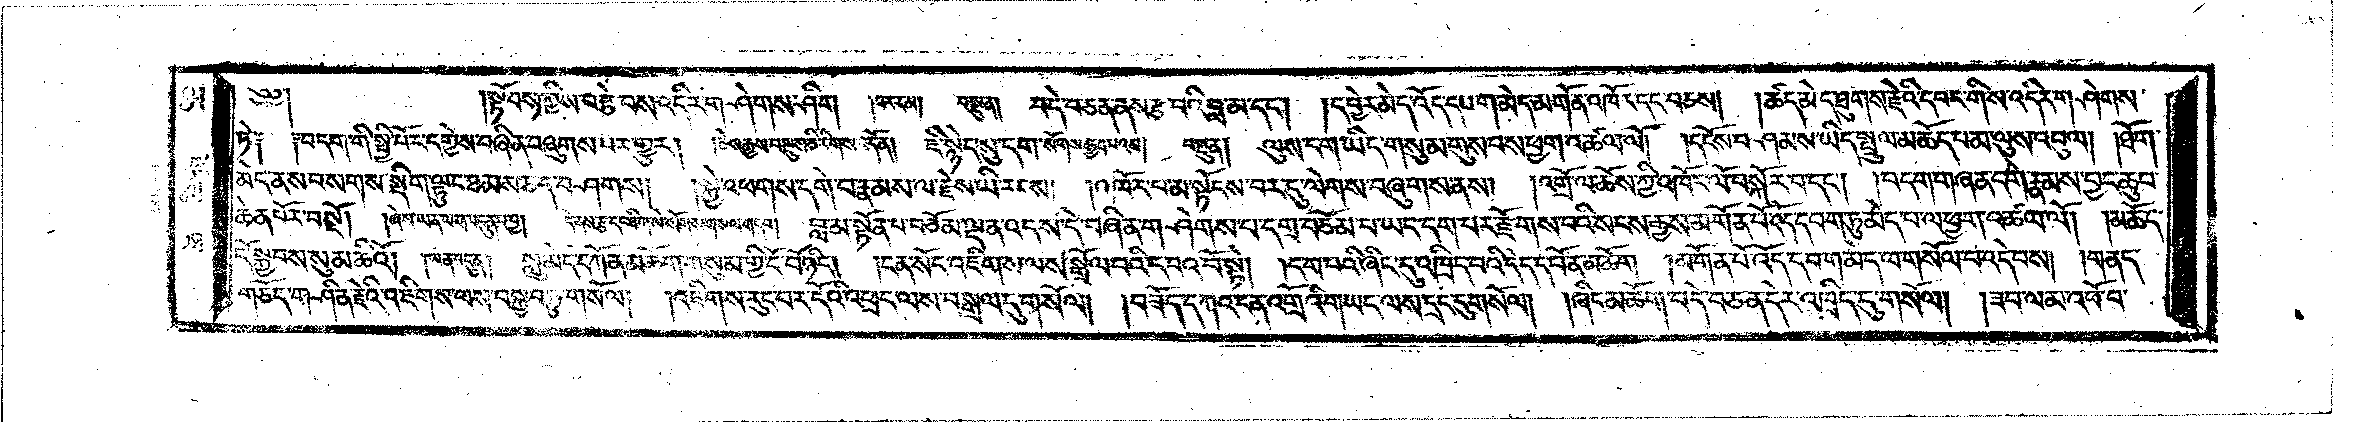༄༅། །སྟོབས་ཀྱིས་བརྩེ་བས་འདིར་གཤེགས་ཤིག་།བར་རམ། བསྡུ་ན།  བདེ་བ་ཅན་ནས་རྩ་བའི་བླ་མ་དང་། །དབྱེར་མེད་འོད་དཔག་མེད་མགོན་འཁོར་དང་བཅས། །ཚད་མེད་ཐུགས་རྗེའི་དབང་གིས་འདིར་གཤེགས་
ཏེ༑ ༑བདག་གི་སྤྱི་པོར་དགྱེས་བཞིན་བཞུགས་པར་གྱུར། །ཅེས་རྒྱས་བསྡུས་ཅི་རིགས་འདོན། ཇི་སྙེད་སུ་དག་སོགས་རྒྱབ་པའམ། བསྡུ་ན།  ལུས་ངག་ཡིད་གསུམ་མ་གུས་པས་ཕྱག་འཚལ་ལོ། །དངོས་བཤམས་ཡིད་སྤྲུལ་མཆོད་པ་མ་ལུས་འབུལ། །ཐོག་
མེད་ནས་བསགས་སྡིག་ལྟུང་ཐམས་ཅད་བཤགས། །སྐྱེ་འཕགས་དགེ་བ་རྣམས་ལ་རྗེས་ཡི་རངས། །འཁོར་པ་མ་སྟོངས་བར་དུ་ལེགས་བཞུགས་ནས། །འགྲོ་ལ་ཆོས་ཀྱི་འཁོར་ལོ་བསྐོར་བ་དང་། །བདག་གཞན་དགེ་རྣམས་བྱང་ཆུབ་
ཆེན་པོར་བསྔོ། །ཞེས་ཡན་ལག་བདུན་པ་བྱ། དེ་ནས་རྩ་དང་ཐིགས་སོགས་གསལ་གདབ།  བླ་མ་སྟོན་པ་བཅོམ་ལྡན་འདས་དེ་བཞིན་གཤེགས་པ་དགྲ་བཅོམ་པ་ཡང་དག་པར་རྫོགས་པའི་སངས་རྒྱས་མགོན་པོ་འོད་དཔག་ཏུ་མེད་པ་ལ་ཕྱག་འཚལ་ལོ། །མཆོད་
དོ་སྐྱབས་སུ་མཆིའོ། །ལན་བདུན།  སླུ་མེད་དཀོན་མཆོག་གསུམ་གྱི་ངོ་བོ་ཉིད། །ངན་སོང་འཇིགས་ལས་སྒྲོལ་བའི་དཔའ་བོ་སྟེ། །དག་པའི་ཞིང་དུ་འཁྲིད་བའི་དེད་དཔོན་མཆོག །མགོན་པོ་འོད་དཔག་མེད་ལ་གསོལ་བ་འདེབས། །གནད་
གཅོད་གཤིན་རྗེའི་འཇིགས་ལས་བསྐྱབ་ཏུ་གསོལ། །འཇིགས་རུང་བར་དོའི་འཕྲང་ལས་བསྒྲལ་དུ་གསོལ། །བཟོད་དཀའ་ངན་འགྲོའི་གཡང་ལས་དྲང་དུ་གསོལ། །ཞིང་མཆོག་བདེ་བ་ཅན་དེར་འཁྲིད་དུ་གསོལ། །ཟབ་ལམ་འཕོ་བ་